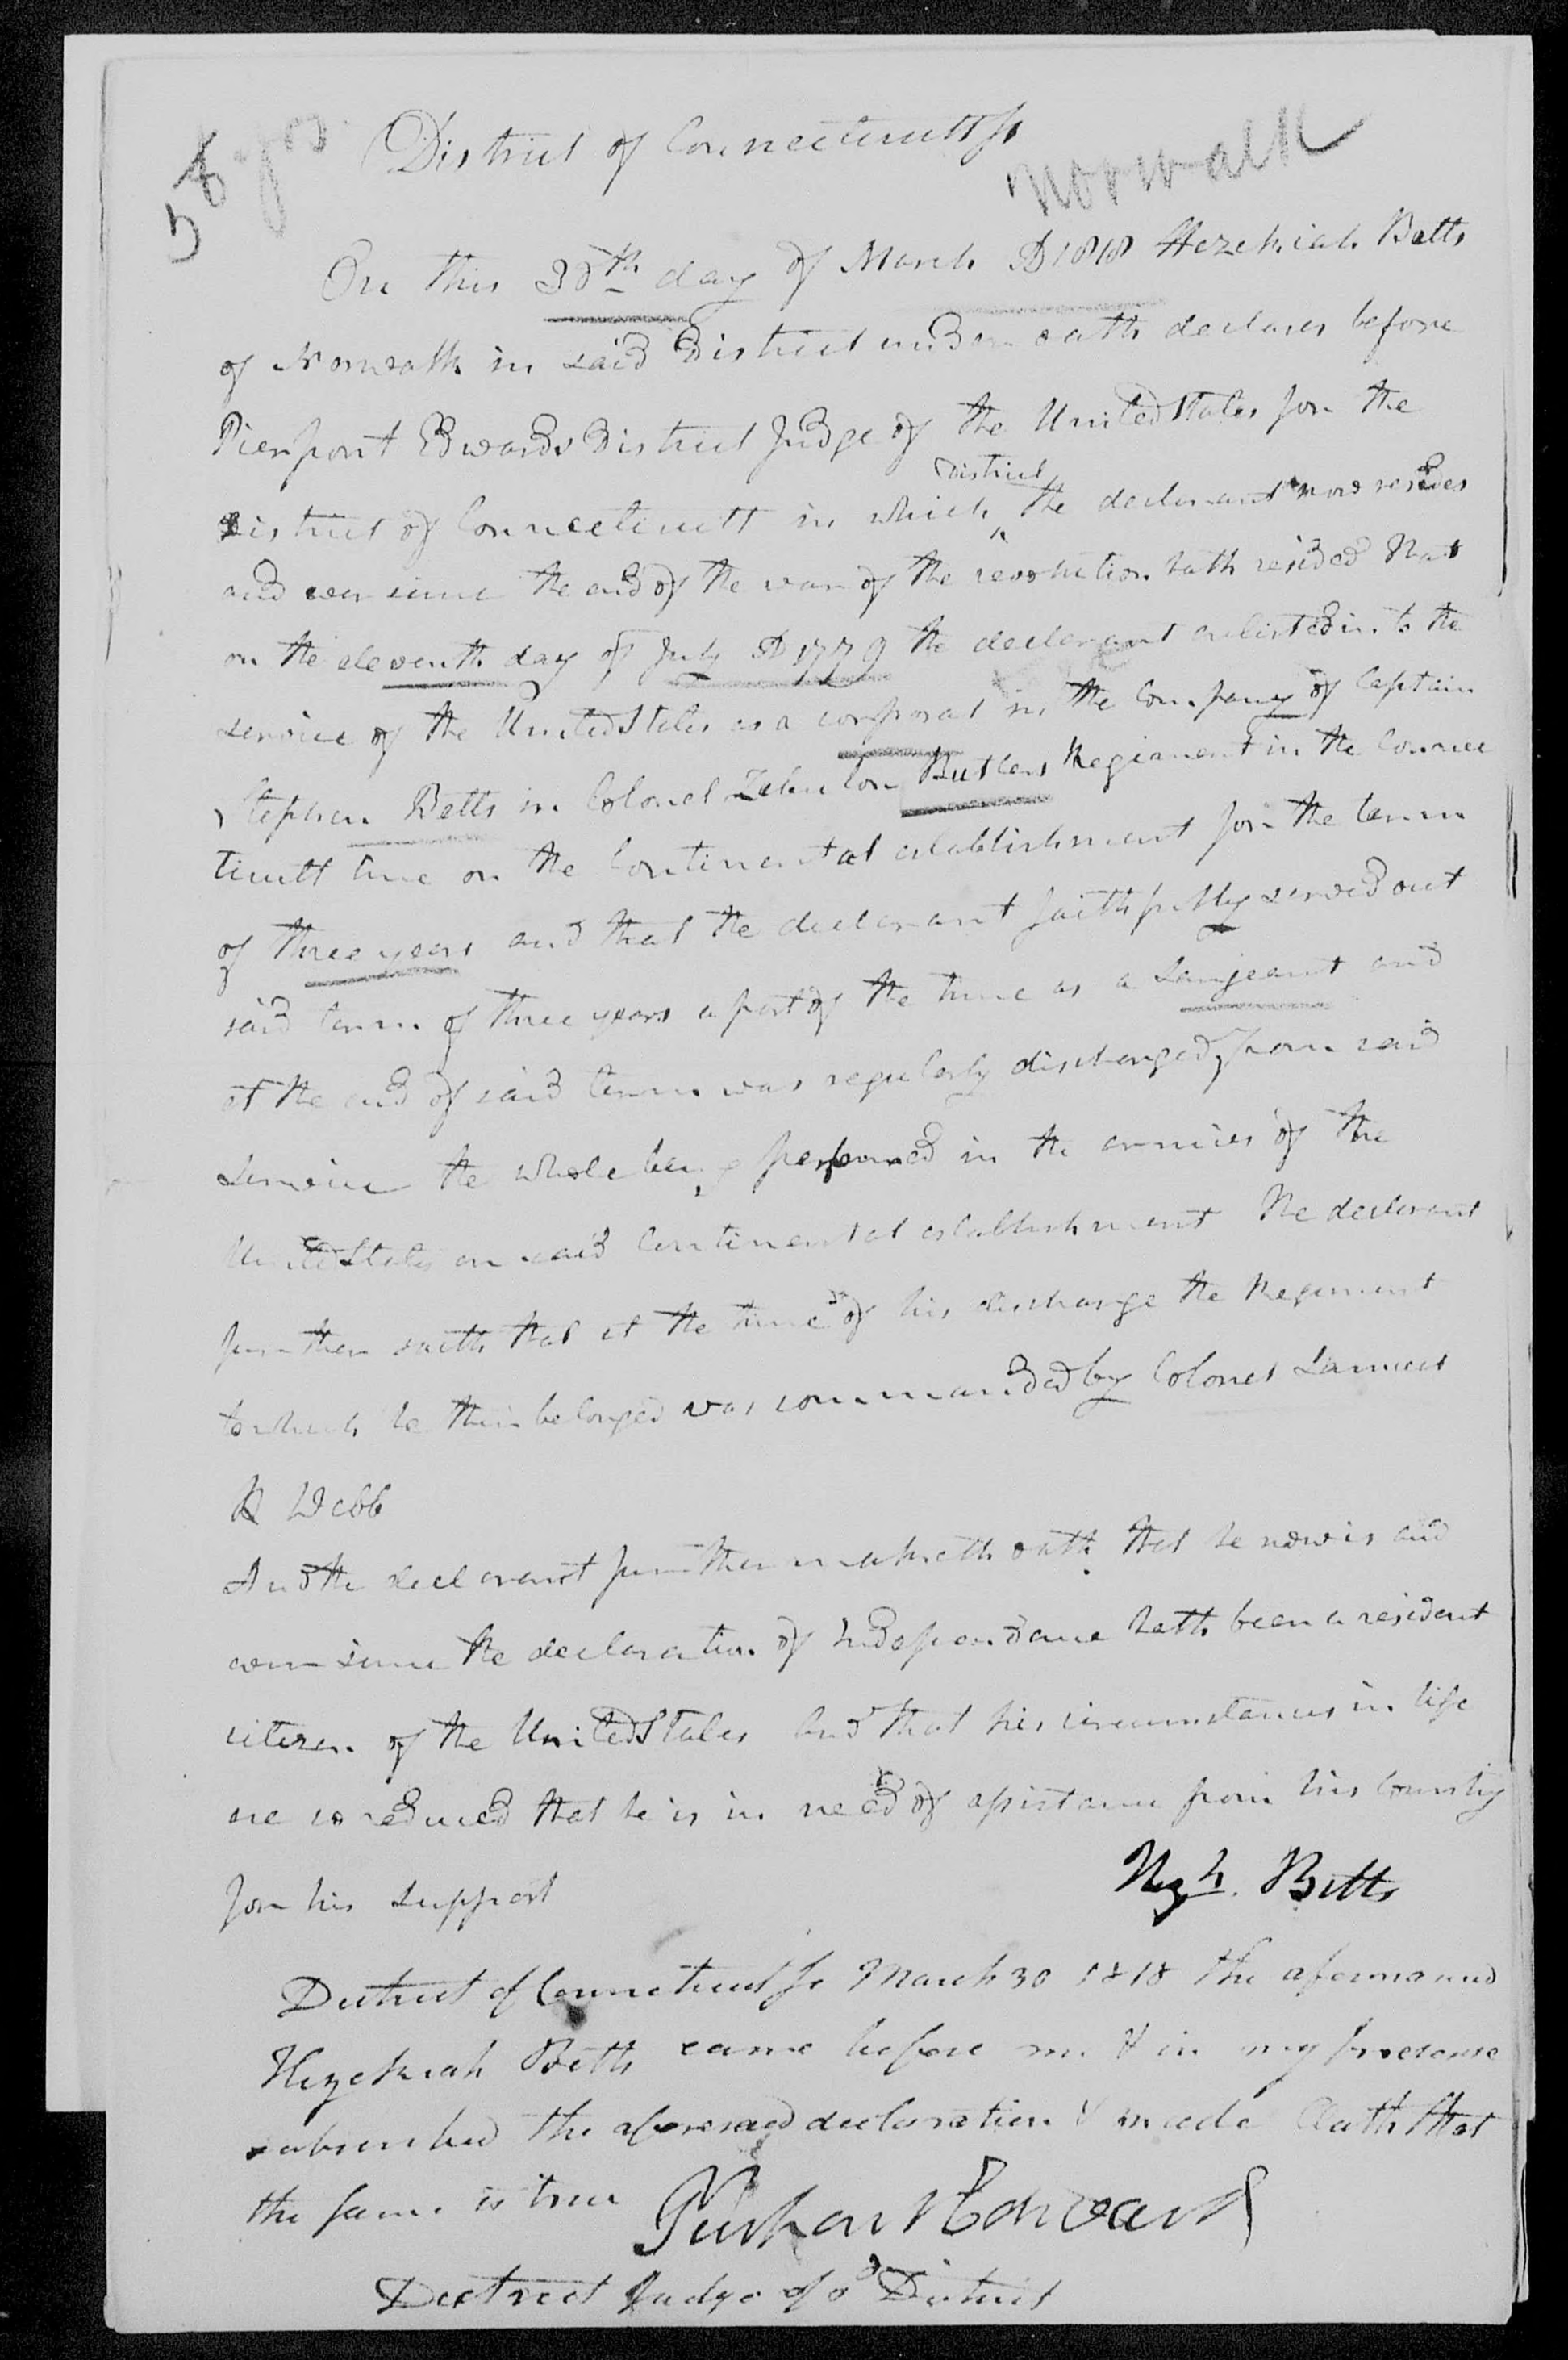58 yrs
District of Connecticut
Norwalk

On this 28th day of March AD 1818 Hezekiah Betts of Norwalk in said District and on oath declares before Pierpont Edwards District Judge of the United States for the District of Connecticutt in which District the declarant now resides and ever since the end of the war of the of the revolution hath resided that ont he eleventh day of July AD 1779 the declarant enlisted to the service of the United States as a corporal in the Company of Captain Stephen Betts in Colonel Zebulon Butlers Regiment in the Connecticutt line on the Continental establishment for the term of three years and that the declarant faithfully served out said term of three years a part of the time as a Serjeant and at the end of said time was regularly discharge from said service the whole time & performed in the service of the United States on said Continental establishment. The declarant further saith that at the time of his discharge the Regiment to which he belonged was commanded by Colonel Samuel D Webb.
In the declarant further maketh oath that he resides and ever time the declaration of Independence hath been a resident witness of the United States. And that his circumstances in life are reduced that he is in need of assistance from his county for his support.
Hezk Betts

District of Connecticut March 30 1818 the aforesaid Hezekiah Betts came before me & in my presence subscribed the aforesaid declaration I made oath that the same is true.
Pierpont Edwards
District Judge of sd District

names: Hezekiah Betts, Pierpont Edwards, Hezh Betts, Samuel B Webb, Hezekiah Betts, Stephen Betts, Pierpont Edwards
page: 25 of 61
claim: widow's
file: W. 29,929, Hezekiah Betts, Conn.